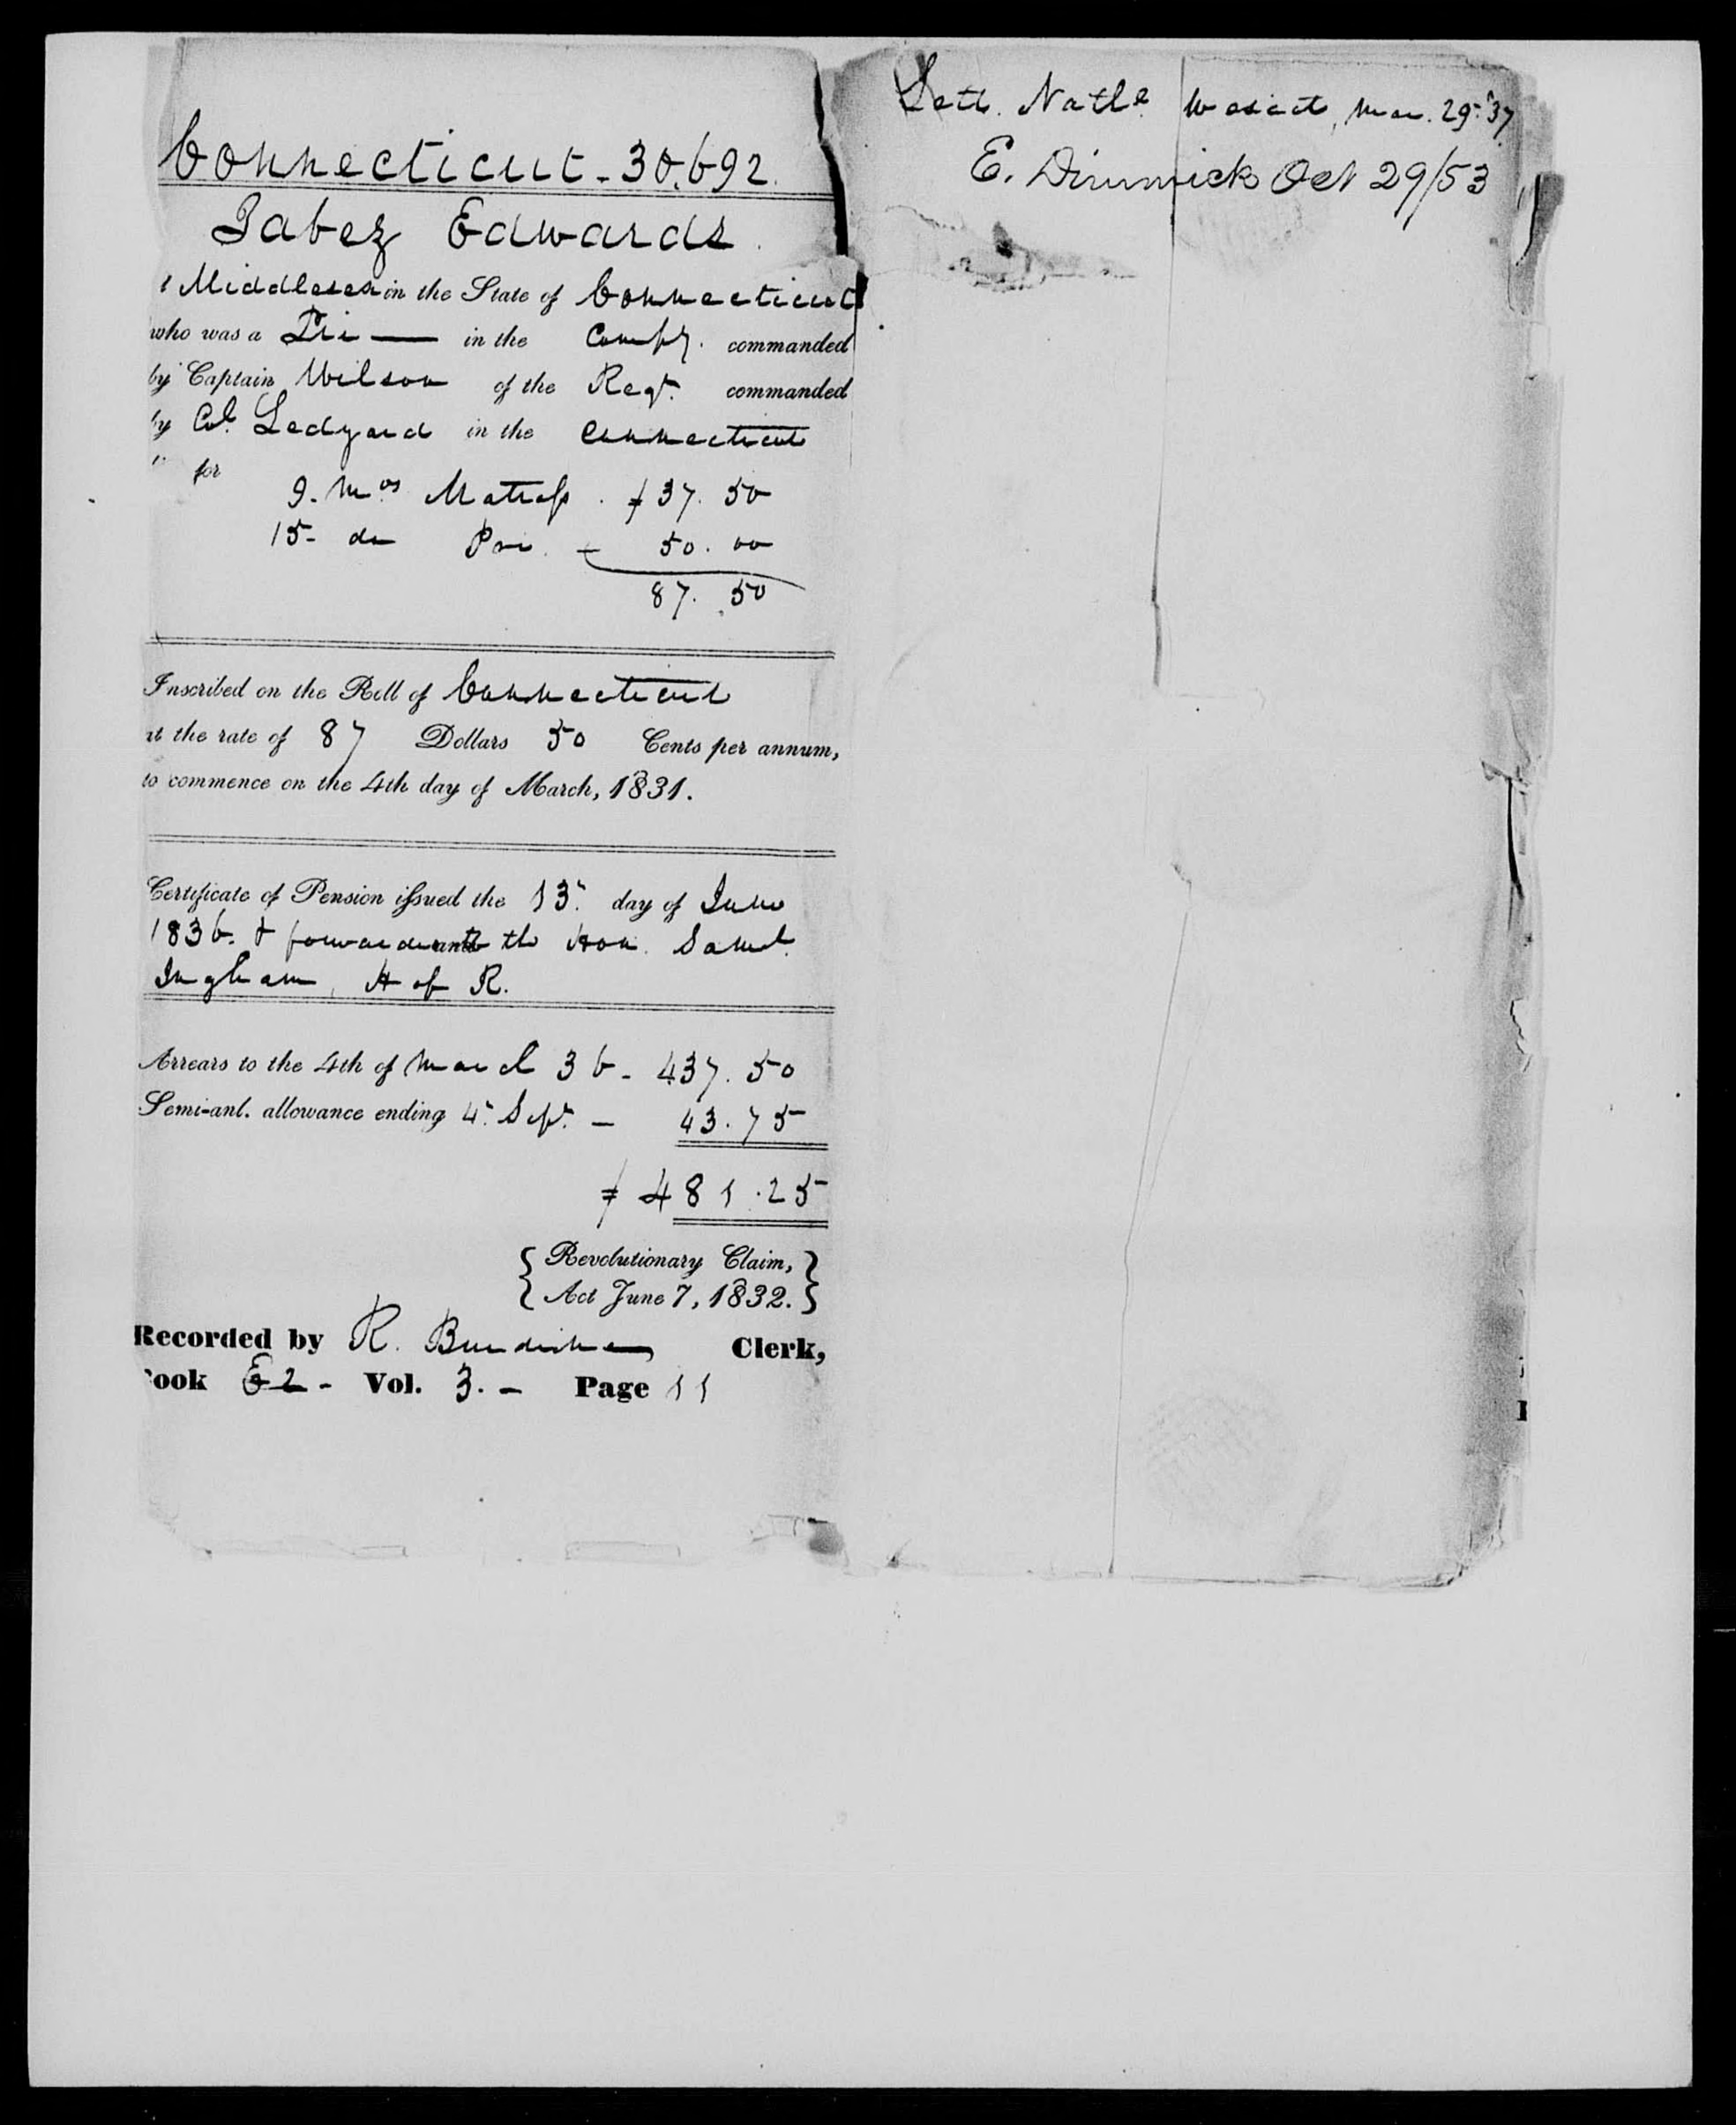Connecticut 30692
Jabez Edwards
Middlesea in the State of Connecticut
who was a Priv. in the Company commanded
by Captain Wilson of the Regt. commanded
by Col. Ledyard in the Connecticut
for
9 months (?) $37.50
15 days (?) 50.00
87.50

Inscribed on the Roll of Connecticut at the rate of 87 dollars 50 cents per annum, to commence on the 4th day of March, 1831.

Certificate of Pension issued the 13th day of June 1836 & forwarded onto the Hon. Samuel Ingham H of R. 

Arrears to the 4th of March 3 (?) 437.50
Semi-anl. allowance ending 4 Sept. 43.75
$481.25

{Revolutionary Claim, Act of June 7, 1832.}

Recorded by R. [illegible] Clerk,
Book 82, Vol. 3, Page 11

[illegible 2nd page] 29.37
E. Dimmick Oct 28/53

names: Saml Ingham, E Dimmick, Jabez Edwards, Wilson, Ledyard, R Burdine, Nathl Wescot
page: 2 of 50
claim: survivor's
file: S 10607, Jabez Edwards, Conn.